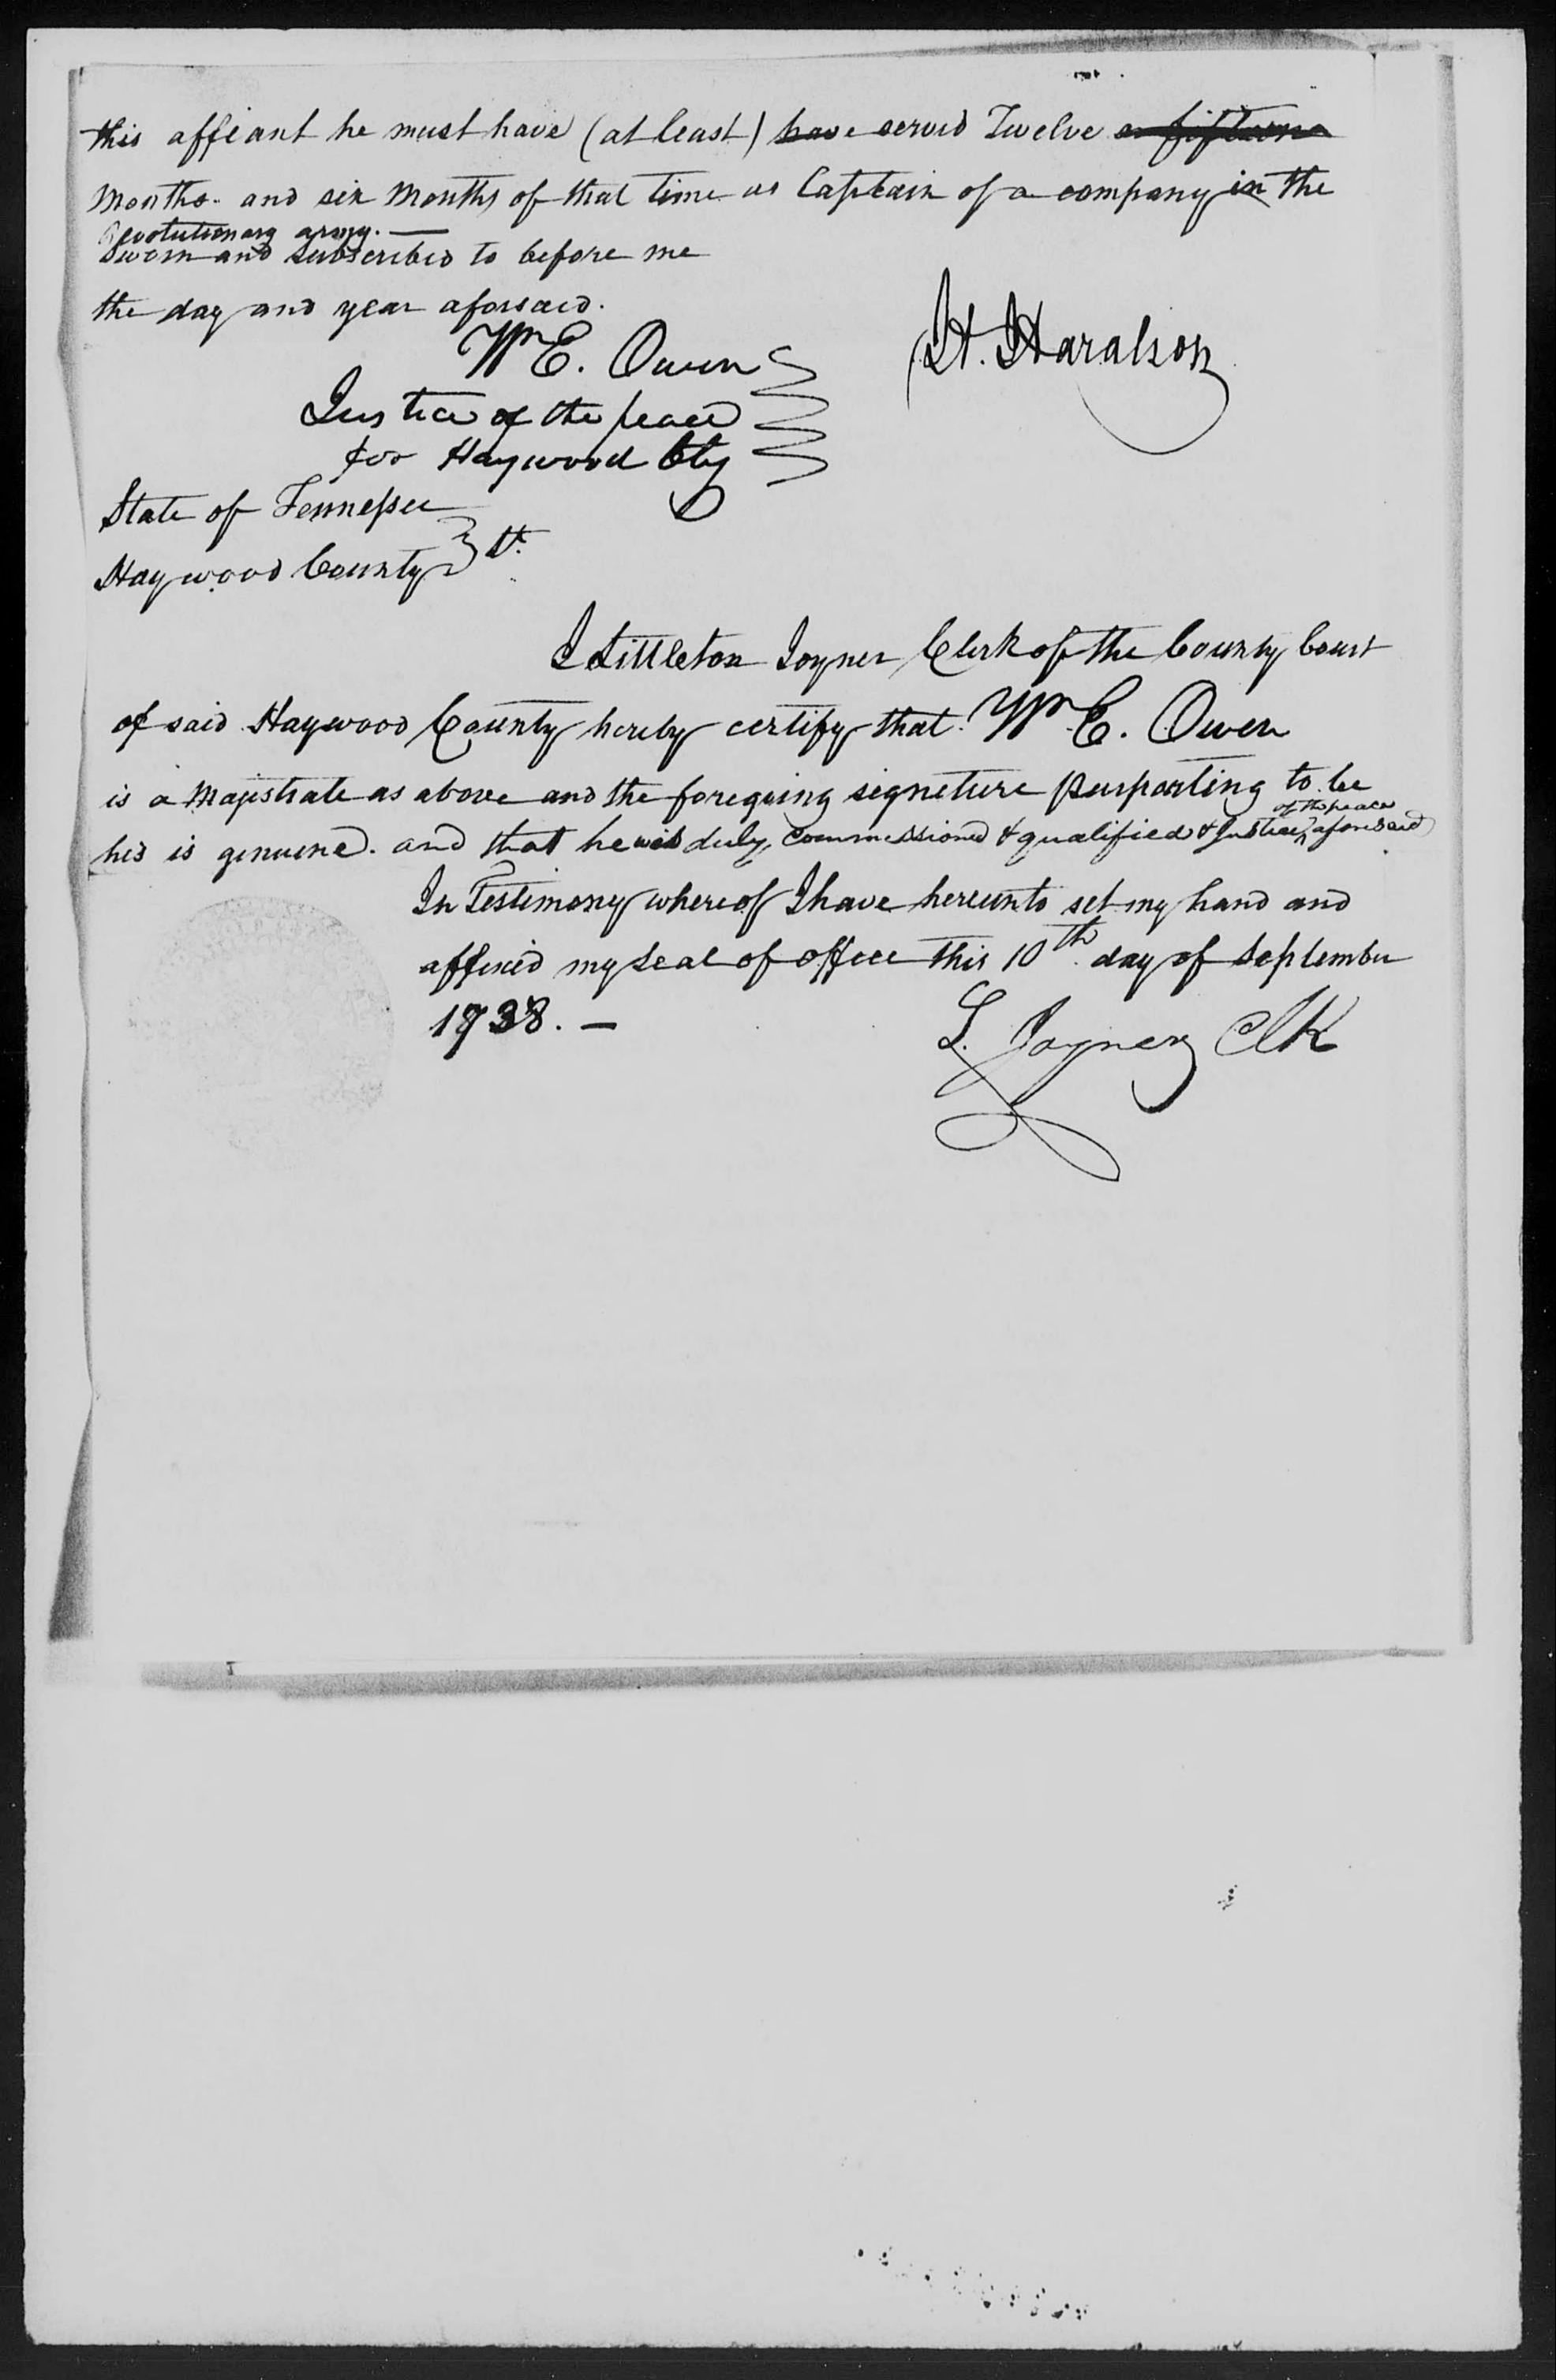This affiant he must have (at least) [word struck through] served twelve [word struck through] months and six months of that time as Captain of a company in the  [illegible]. [illegible]..-
Sworn and subscribed to before me
The day and year aforesaid.
Wm [William] E Owen}
Justice of the peace}
For Haywood County}
State of Tennessee}
Haywood County} St
		I Littleton Joyner Clerk of the County Court
Of said Haywood County hereby certify that Wm [William} E Owen
Is a magistrate as above and the foregoing signature purporting to be 
His is genuine. And that he [was written over with] is duly commissioned & qualified & justice [insert mark and written above] of the peace aforesaid
SEAL In testimony where of I have here unto set my hand and
Affixed my seal of office this 10th day of September
1738.-		L Joyner Clk [clerk]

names: Littleton Joyner, Wm E Owen, L Joyner, Wm E Owen, H Haralson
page: 48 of 62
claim: widow's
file: W 7005, Frederick Debow, N.C.